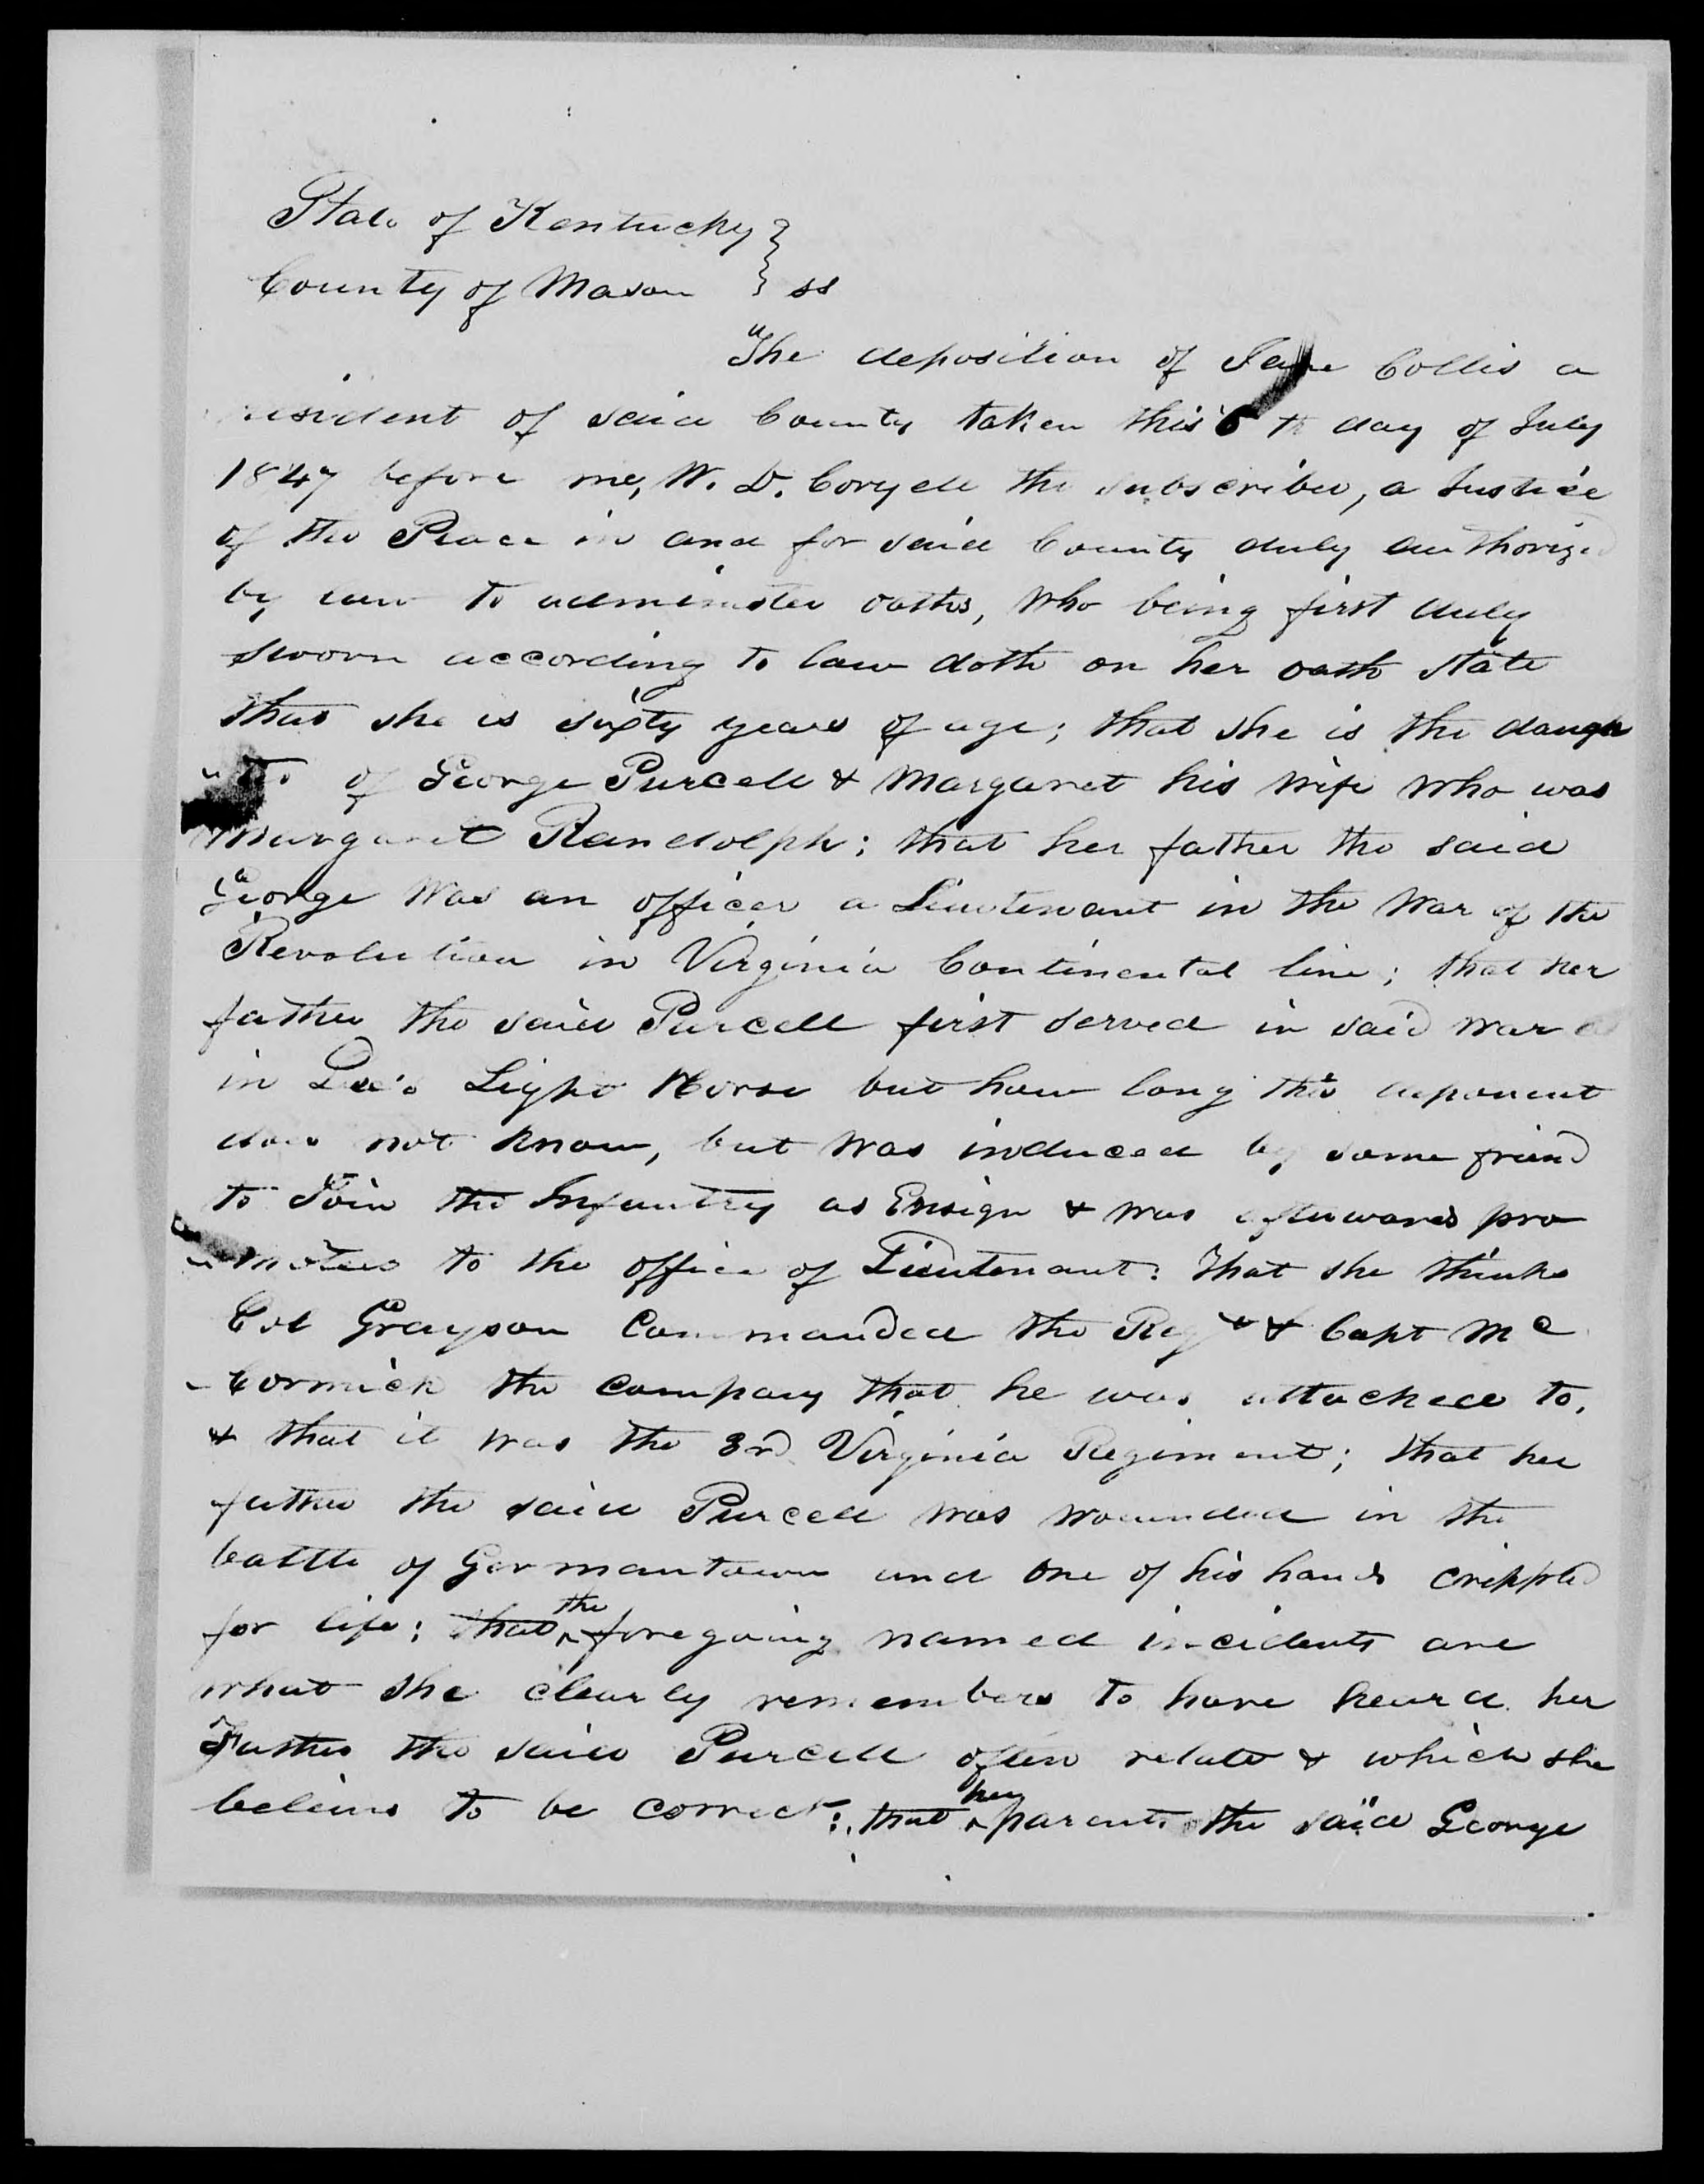State of Kentucky}
County of Mason} SS
The deposition of Jane Collis a
resident of said County takne this 6th day of July 1847 before me, W. D. Coryell the subscriber, a Justice of the Peace in and for said County duly authorized by law to administer oaths, who being first duly Sworn according to law doth on her Oath state that she is sixty years of age; that she is the daughter of George Purcell & Margaret his wife who was Margaret Randolph; that her father the said George was an officer a Lieutenant in the War of the Revolution in Virginia Continental line that her father the said Purcell first served in said war in Lee's Light Horse but how long this deponent does not know, but was induced by some friend to Join the Infantry as Ensign & was afterwards promoted to the office of Lieutenant. That she thinks Col Grayson Commanded the Regt & Capt McCormick the Company that he was attached to, & that it was the 3rd Virginia Regiment; that her father the said Purcell was wounded in the battle of Germantown and one of his hands crippled for life; that the foregoing named incidents are what she clearly remembers to have heard her Father the said Purcell often relate & which she believes to be correct; that her parents the said George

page: 10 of 86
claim: widow's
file: W. 6661, for George Purcell, Virginia